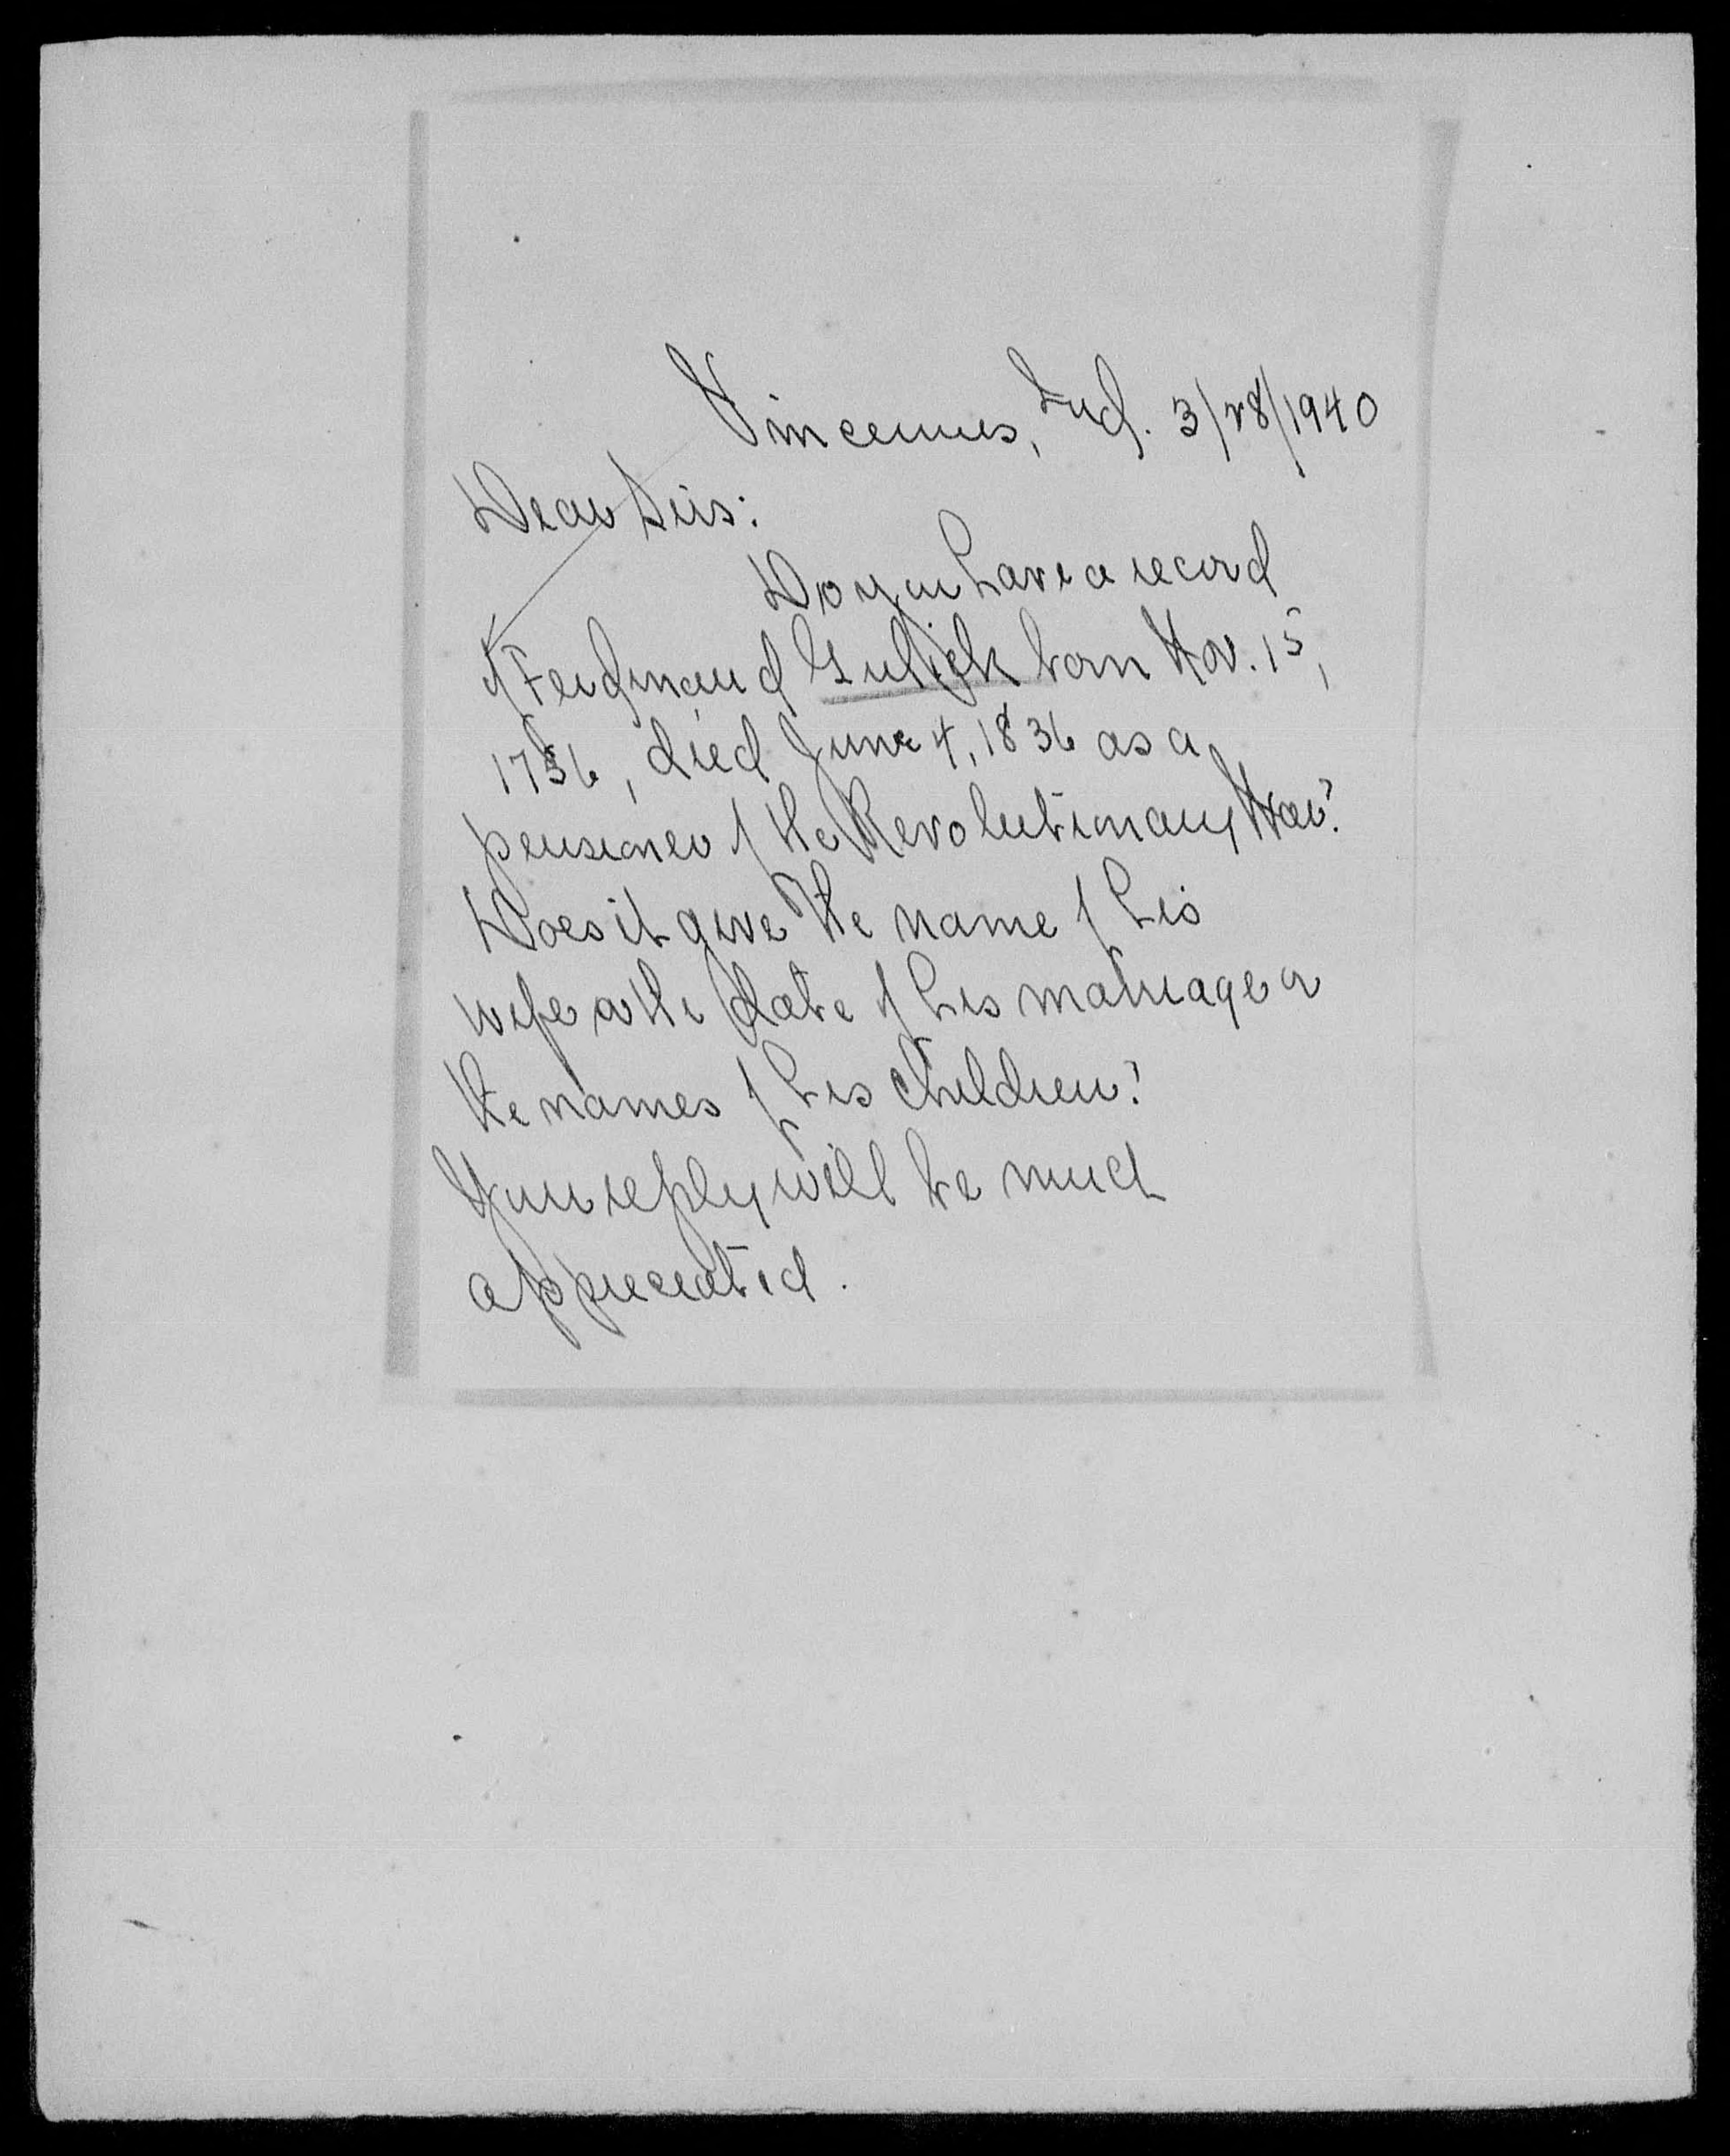Vincennes, Ind. 3/28/1940

Dear Sirs:

Do you have a record of Ferdinand I Gulick born Nov 15, 1756, died June 4, 1836 as a pensioner of the Revolutionary War?

Does it give the name of his wife or the date of his marriage or the names of his children?

Your reply will be much appreciated.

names: Ferdinand Gulick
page: 19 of 21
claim: survivor's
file: S. 2586, Ferdinand Gulick, New Jersey Va.